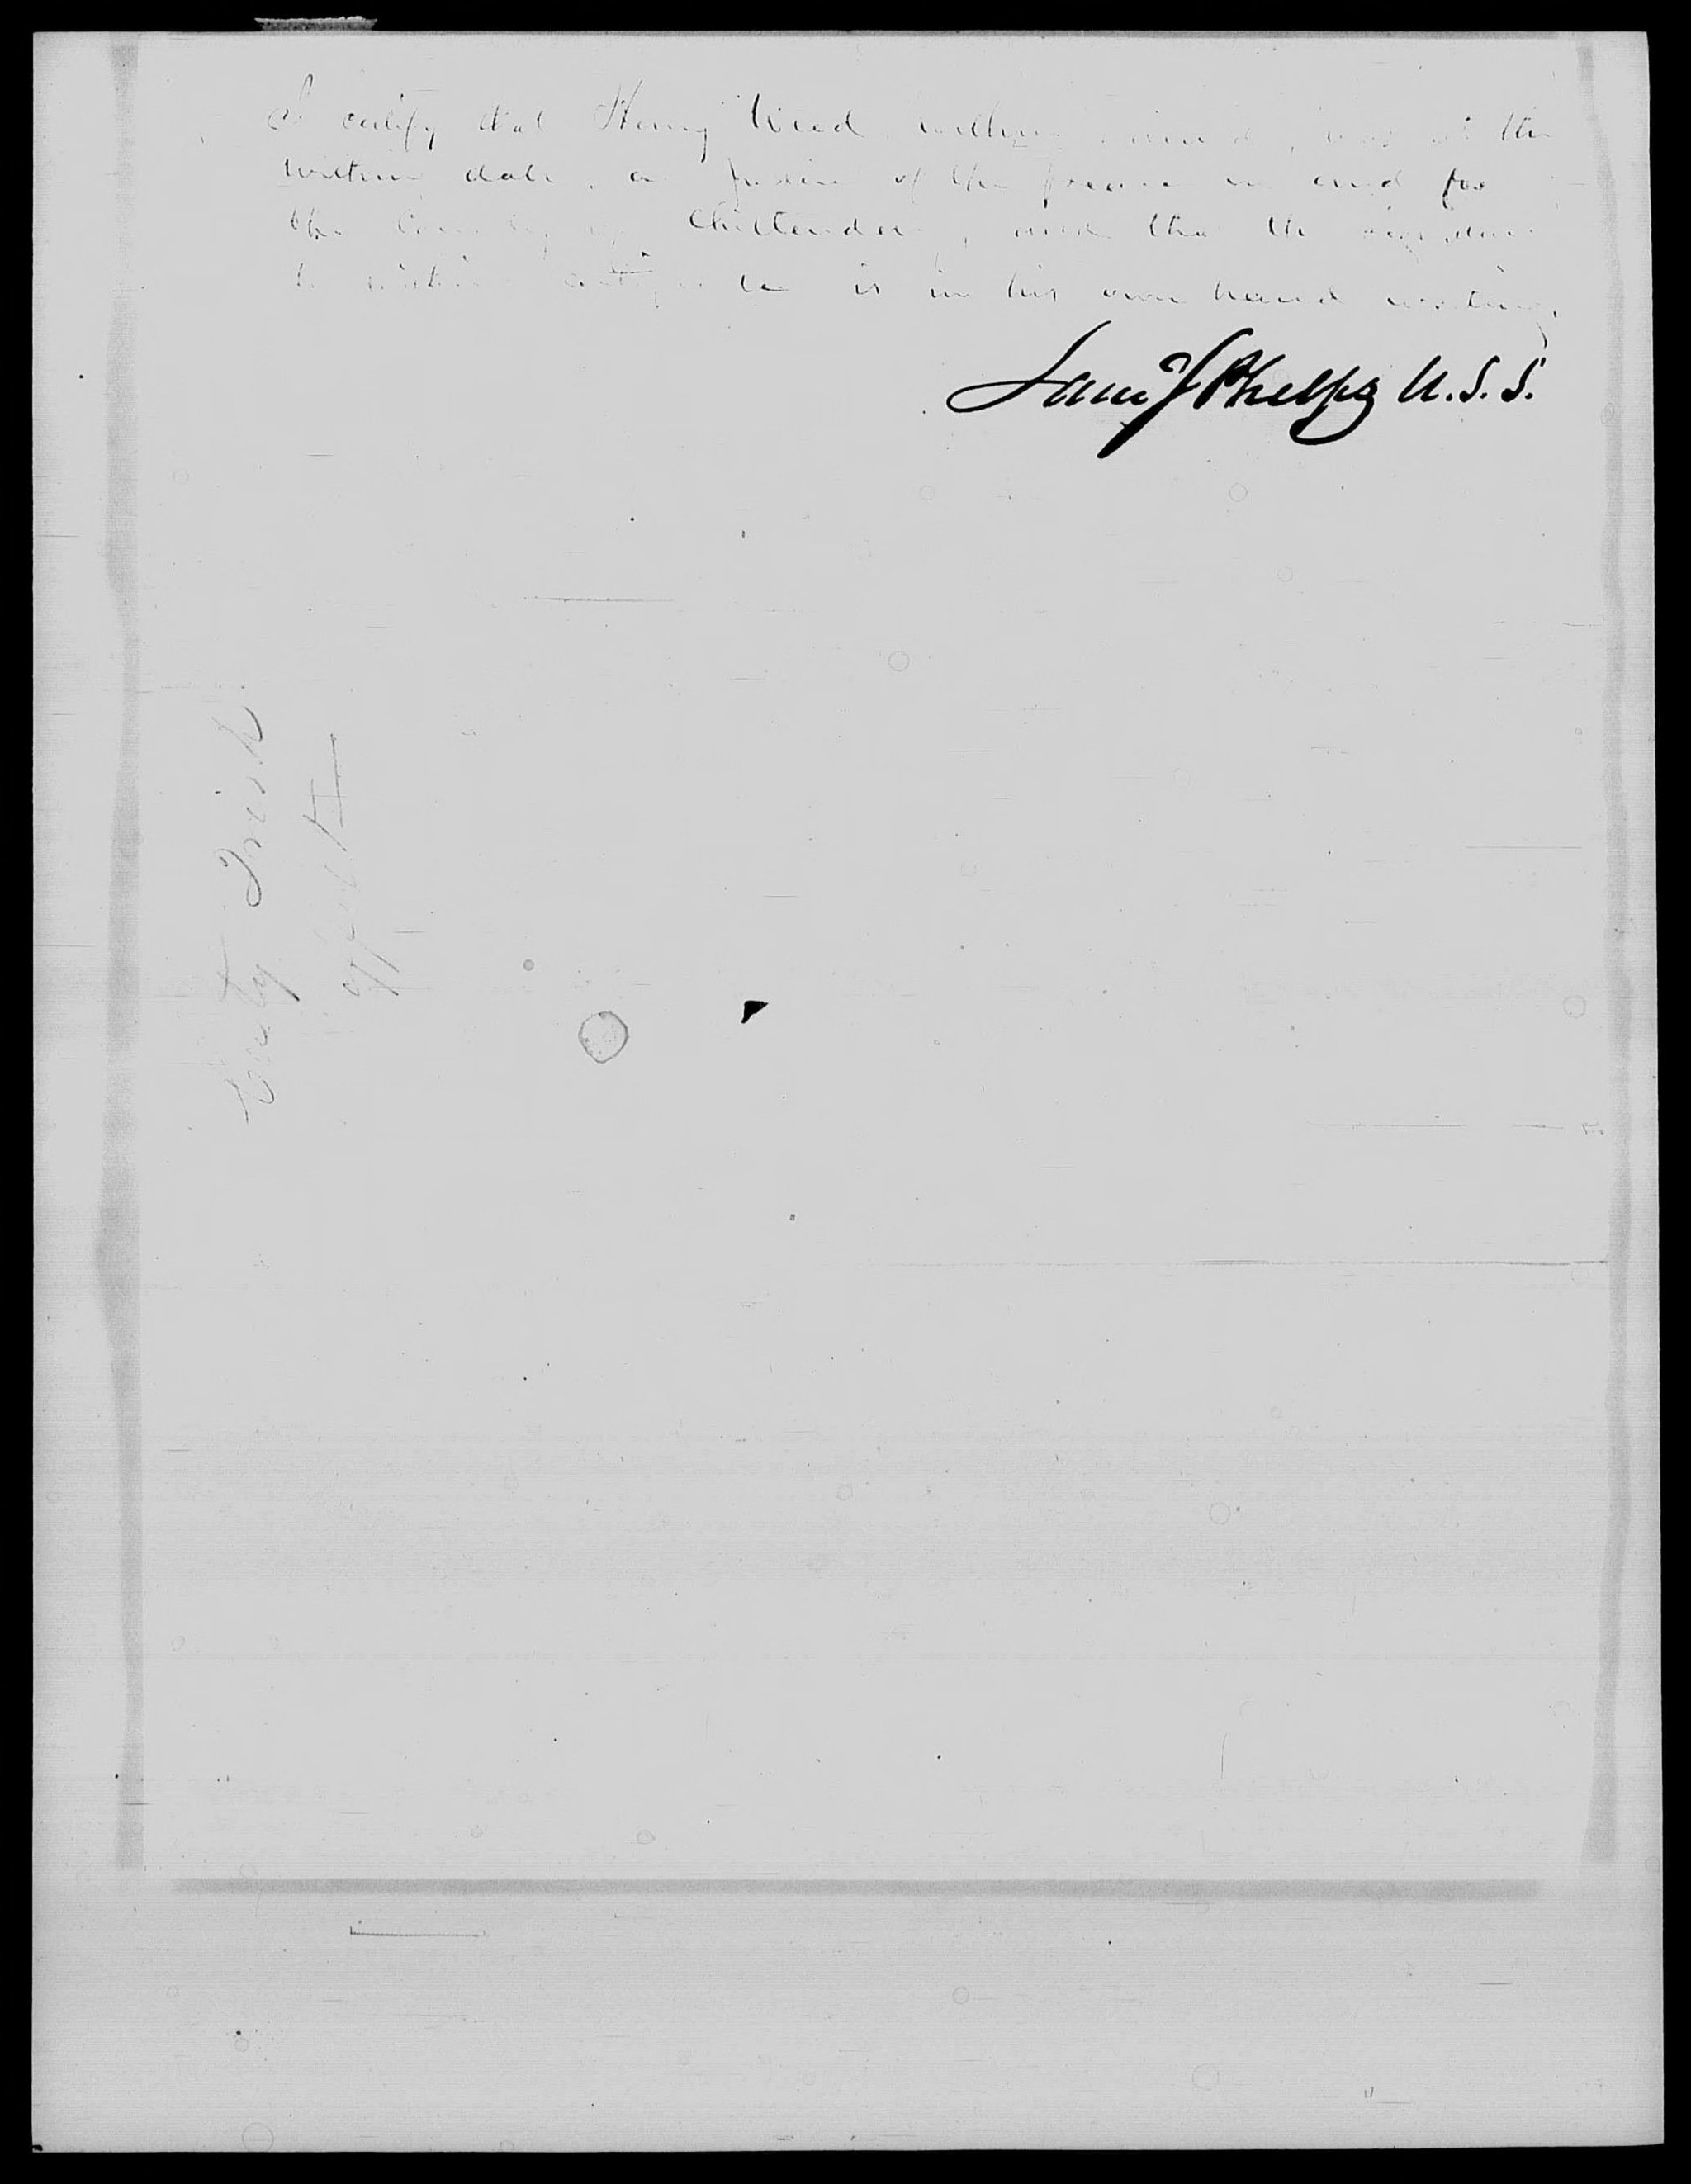I certify that Henry Weed within named, was at the 
within date, a Justice of the Peace in and for the County of Chittenden, and that the signature [to within certificate] is in his own hand.
Sam’l J Phelps U. S.S.

Caty Irish
affidavit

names: Saml J Phelps; Henry Weed; Caty Irish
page: 84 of 99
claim: widow's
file: W. 24,482, for Richard Lattin, Vermont